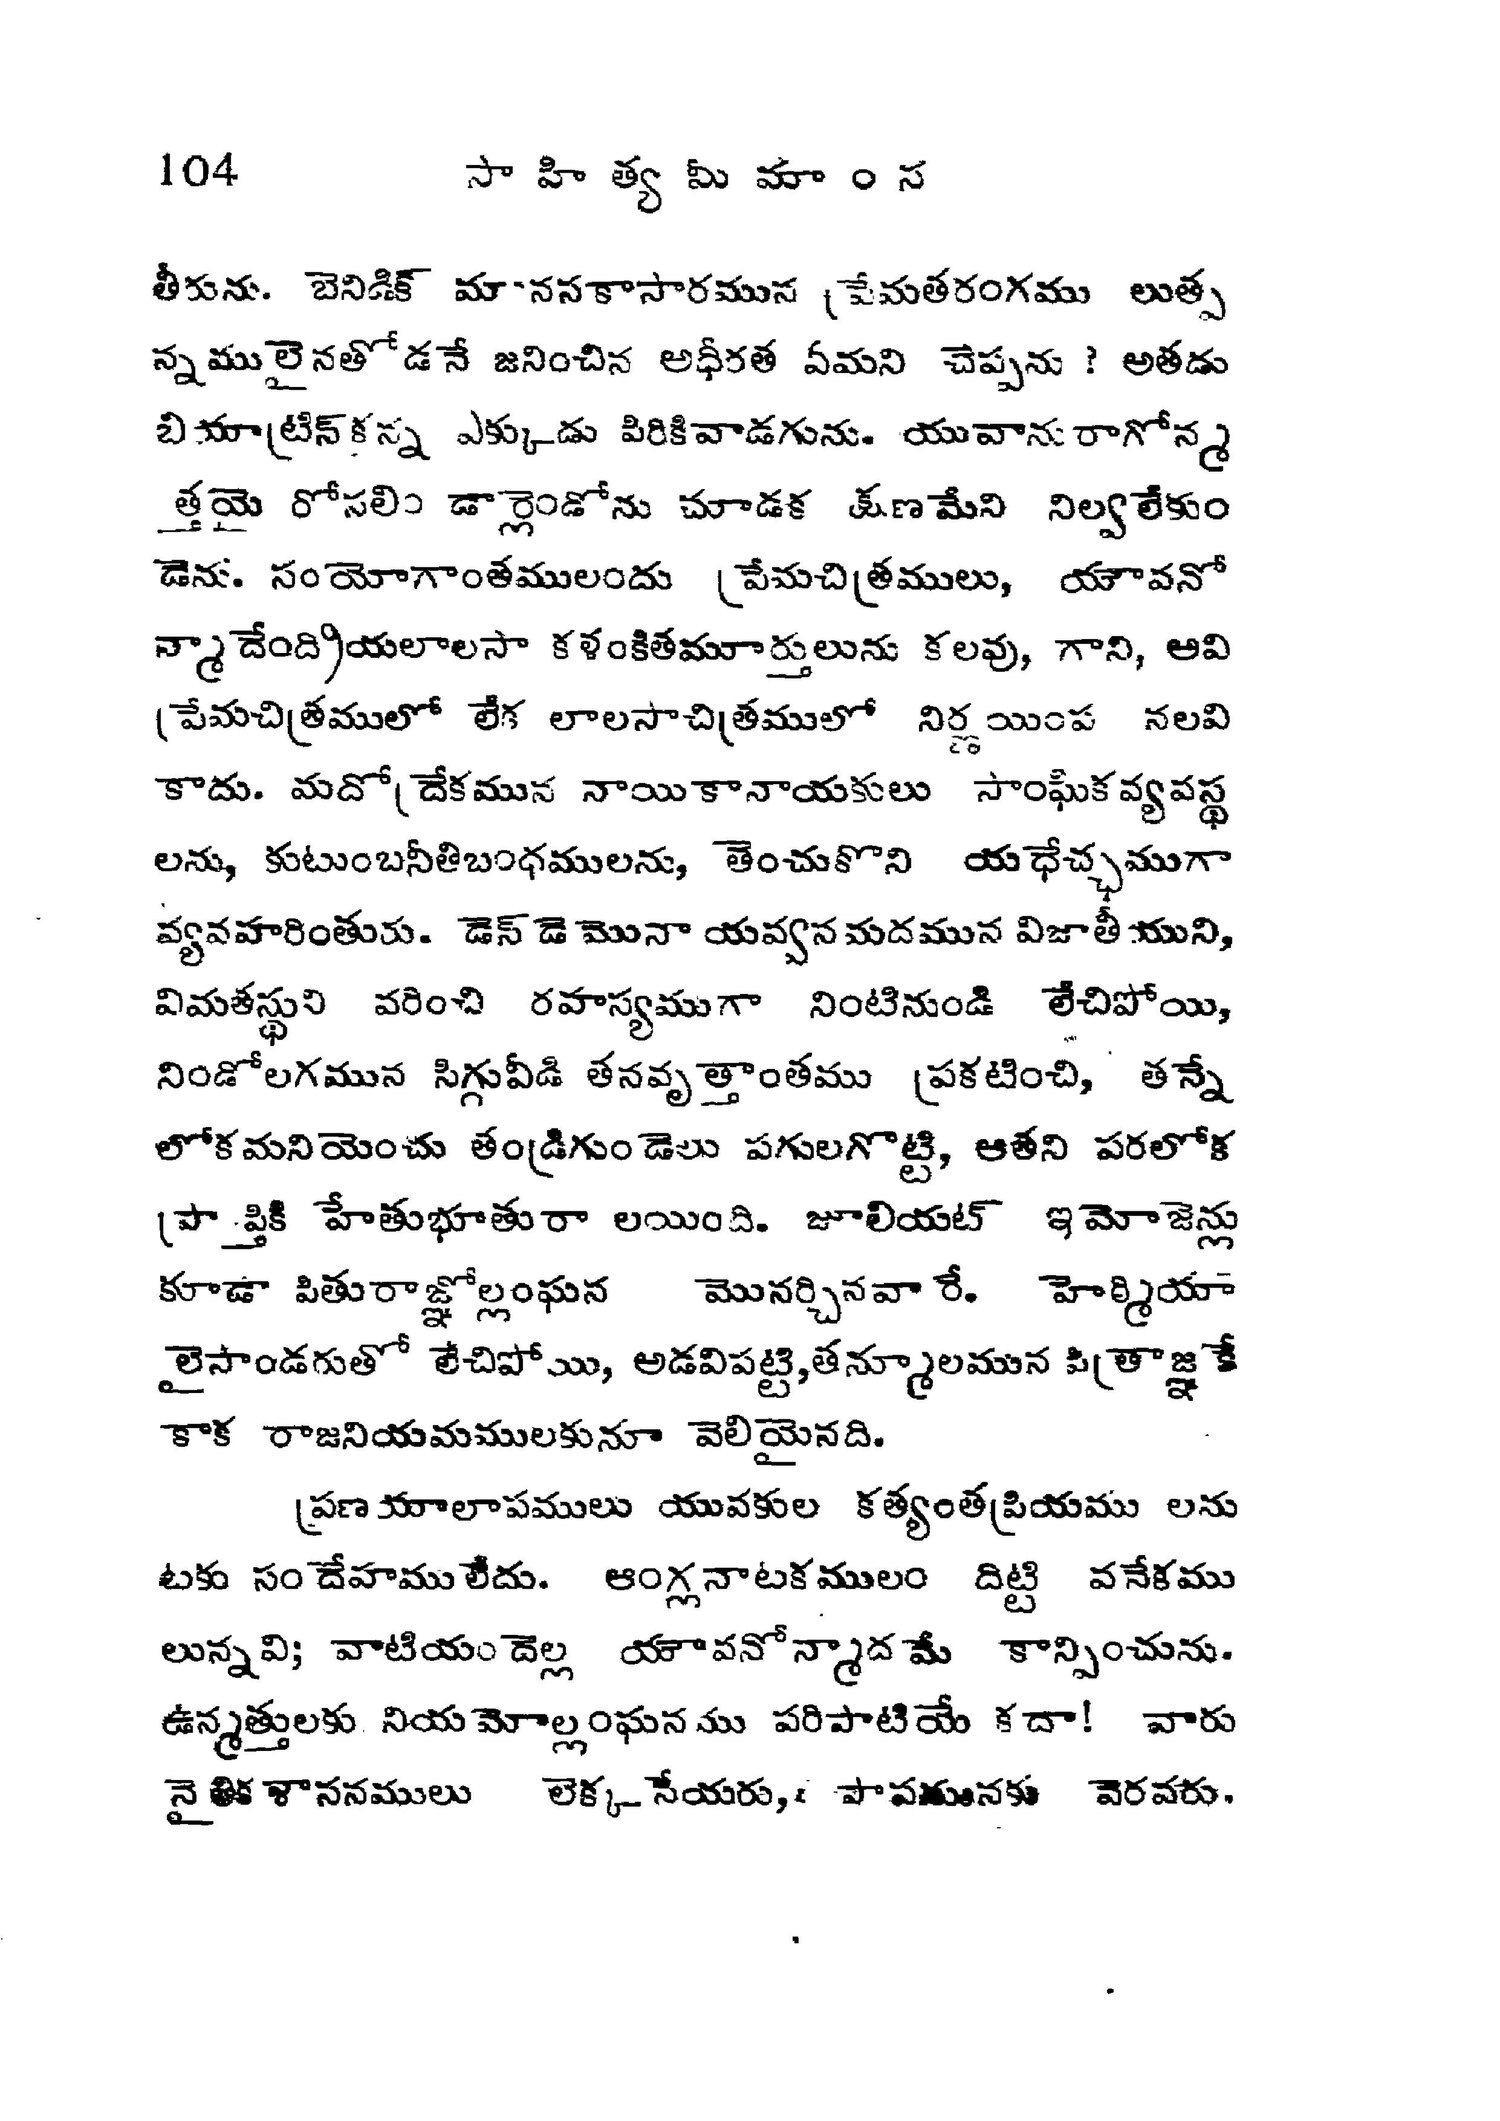తీరును. బెనిడిక్ మానసకాసారమున ప్రేమతరంగము లుత్పన్నములైనతోడనే జనించిన ఆధీరత ఏమని చెప్పను? అతడు బియాట్రిస్‌కన్న ఎక్కుడు పిరికివాడగును. యువానురాగోన్మత్తయై రోసలిం డార్లెండోను చూడక క్షణమేని నిల్వలేకుండెను. సంయోగాంతములందు ప్రేమచిత్రములు, యౌవనోన్మాదేంద్రియ లాలసా కళంకితమూర్తులును కలవు, గాని, అవి ప్రేమచిత్రములలో లేక లాలసాచిత్రములలో నిర్ణయింప నలవికాదు. మదోద్రేకమున నాయికానాయకులు సాంఘికవ్యవస్థలను, కుటుంబనీతిబంధములను, తెంచుకొని యధేచ్ఛముగా వ్యవహరింతురు. డెస్‌డెమొనా యవ్వనమదమున విజాతీయుని, విమతస్థుని వరించి రహస్యముగా నింటినుండి లేచిపోయి, నిండోలగమున సిగ్గువీడి తనవృత్తాంతము ప్రకటించి, తన్నే లోకమనియెంచు తండ్రిగుండెలు పగులగొట్టి, ఆతని పరలోక ప్రాప్తికి హేతుభూతురా లయింది. జూలియట్ ఇమోజెన్లు కూడా పితురాజ్ఞోల్లంఘన మొనర్చినవారే. హెర్మియా లైసాండరుతో లేచిపోయి, అడవిపట్టి, తన్మూలమున పిత్రాజ్ఞకే కాక రాజనియమములకునూ వెలియైనది.

ప్రణయాలాపములు యువకుల కత్యంతప్రియము లనుటకు సందేహములేదు. ఆంగ్లనాటకములం దిట్టి వనేకము లున్నవి; వాటియందెల్ల యౌవనోన్మాదమే కాన్పించును. ఉన్మత్తులకు నియమోల్లంఘనము పరిపాటియ కదా! వారు నైతికశాసనములు లెక్కసేయరు, పాపమునకు వెరవరు.